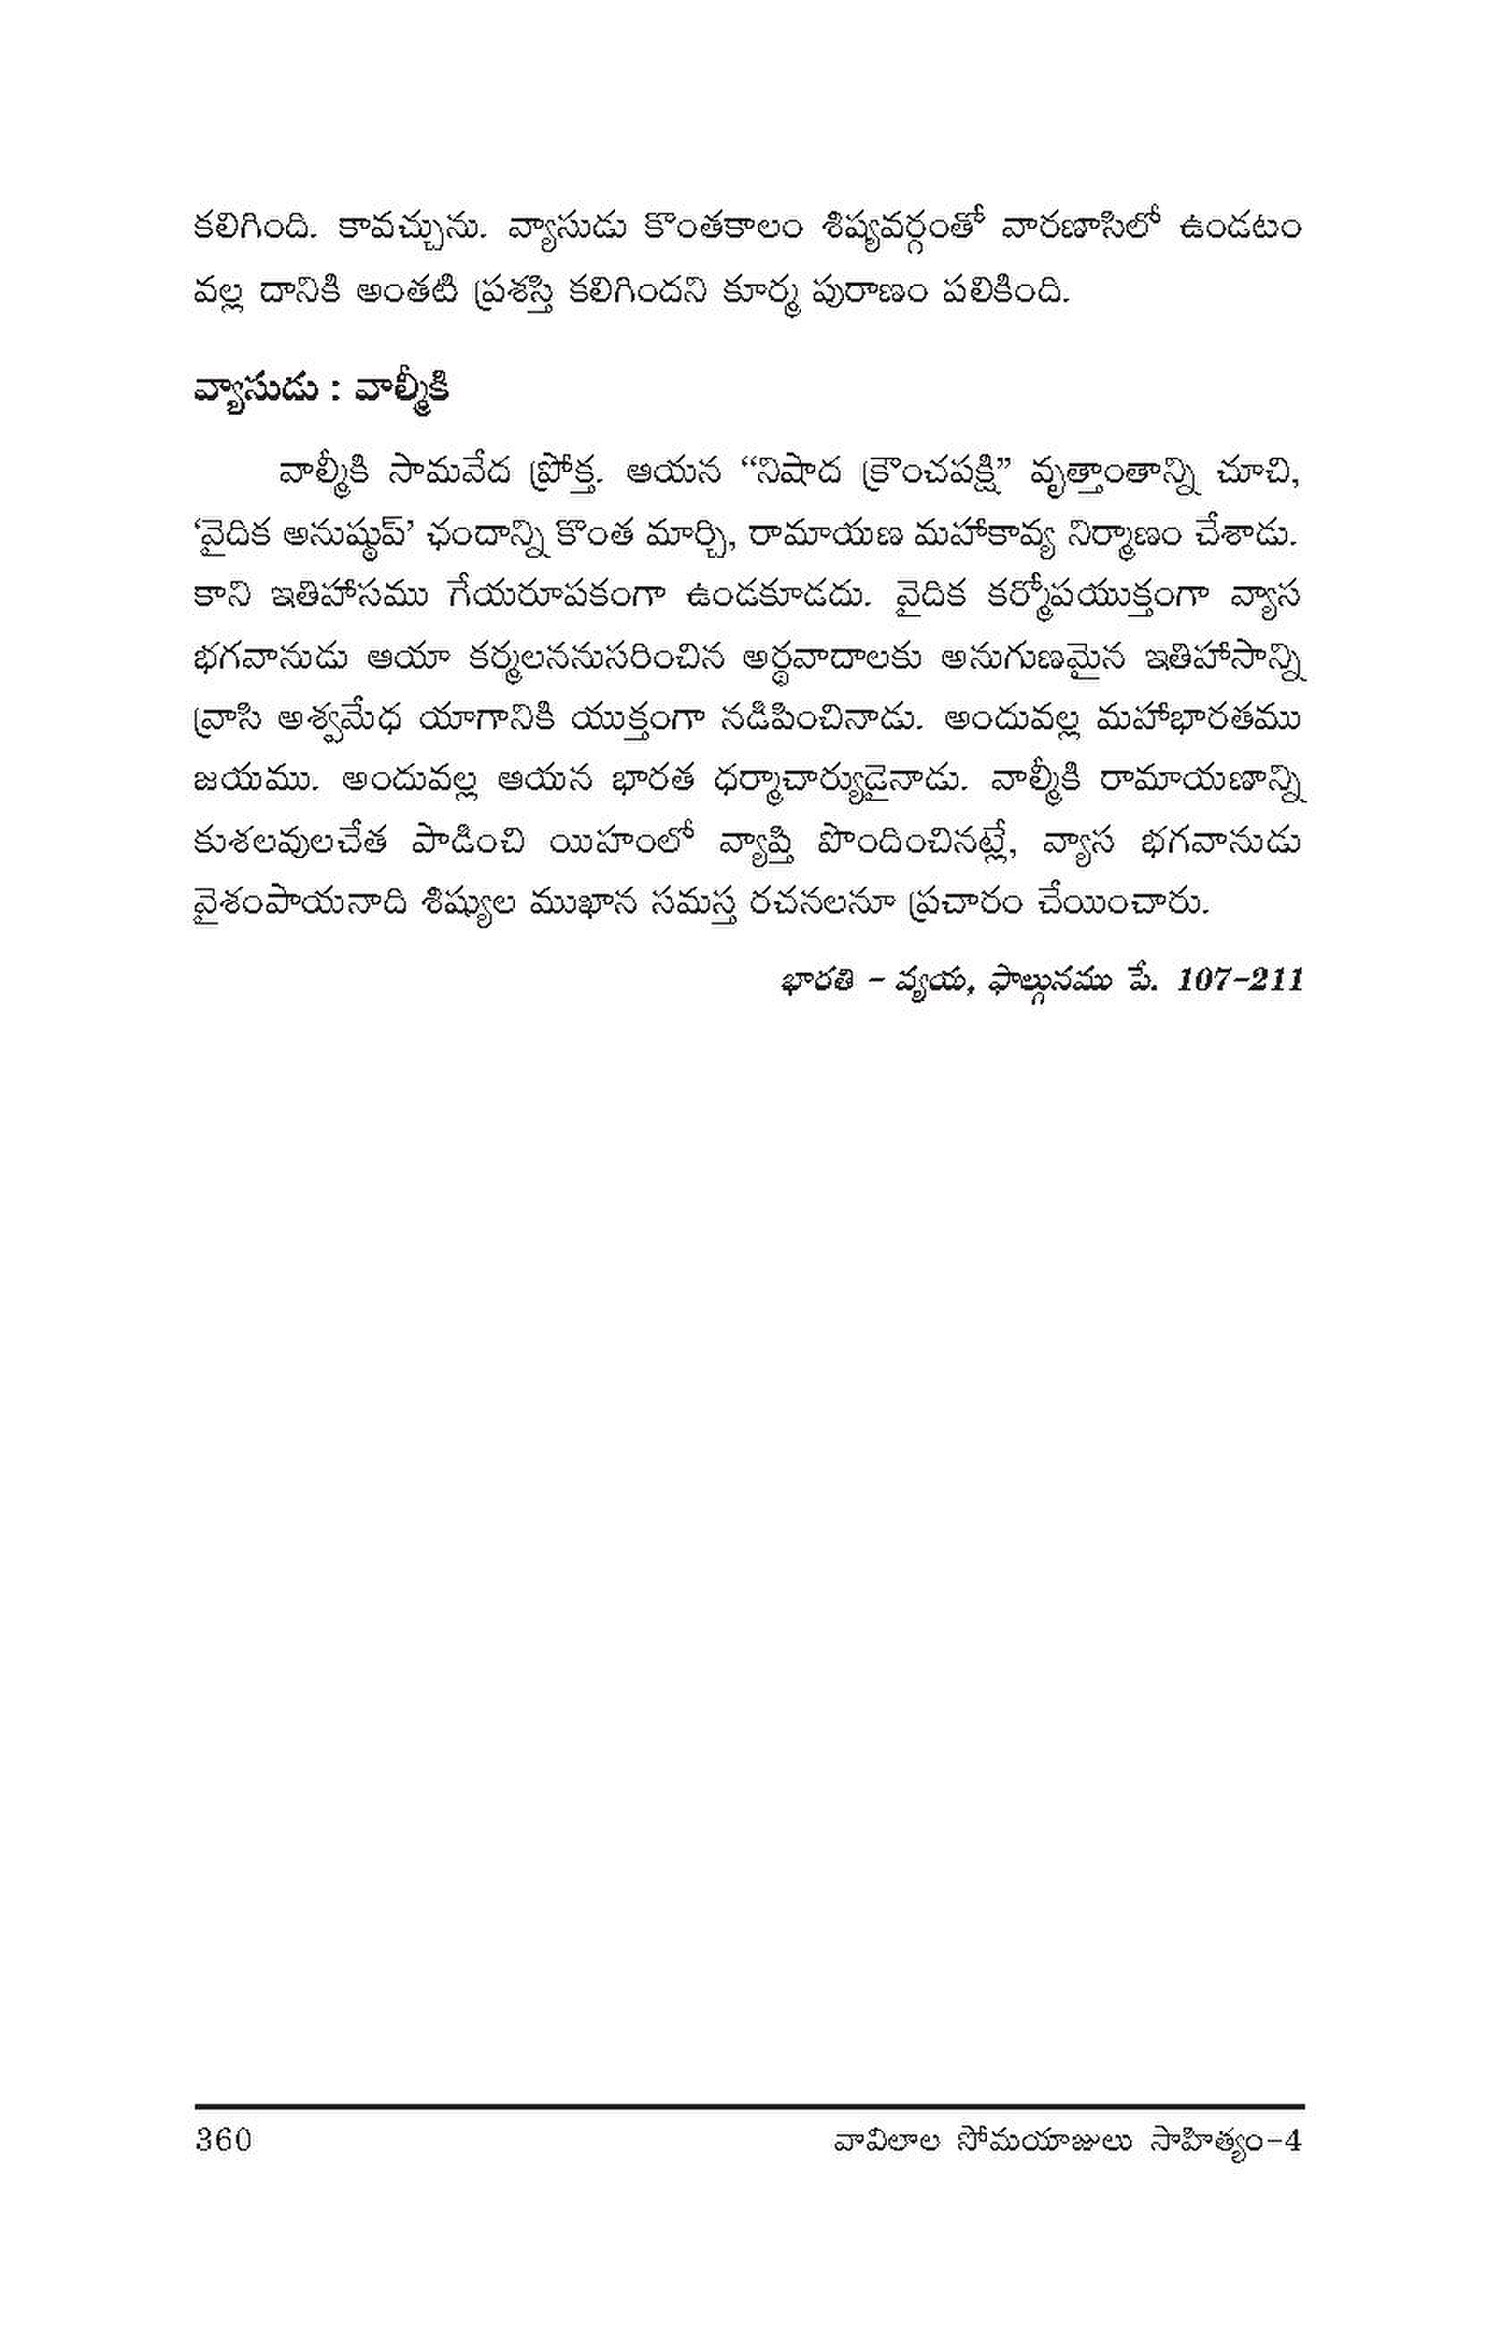కలిగింది. కావచ్చును. వ్యాసుడు కొంతకాలం శిష్యవర్గంతో వారణాసిలో ఉండటం
వల్ల దానికి అంతటి ప్రశస్తి కలిగిందని కూర్మ పురాణం పలికింది. 

వ్యాసుడు : వాల్మీకి 
వాల్మీకి సామవేద ప్రోక్త. ఆయన “నిషాద క్రౌంచపక్షి వృత్తాంతాన్ని చూచి,
‘వైదిక అనుష్ఠుప్' ఛందాన్ని కొంత మార్చి, రామాయణ మహాకావ్య నిర్మాణం చేశాడు.
కాని ఇతిహాసము గేయరూపకంగా ఉండకూడదు. వైదిక కర్మోపయుక్తంగా వ్యాస
భగవానుడు ఆయా కర్మలననుసరించిన అర్ధవాదాలకు అనుగుణమైన ఇతిహాసాన్ని
వ్రాసి అశ్వమేధ యాగానికి యుక్తంగా నడిపించినాడు. అందువల్ల మహాభారతము
జయము. అందువల్ల ఆయన భారత ధర్మాచార్యుడైనాడు. వాల్మీకి రామాయణాన్ని
కుశలవులచేత పాడించి యిహంలో వ్యాప్తి పొందించినట్లే, వ్యాస భగవానుడు
వైశంపాయనాది శిష్యుల ముఖాన సమస్త రచనలనూ ప్రచారం చేయించారు. 
భారతి - వ్యయ, ఫాల్గునము పే. 107-211